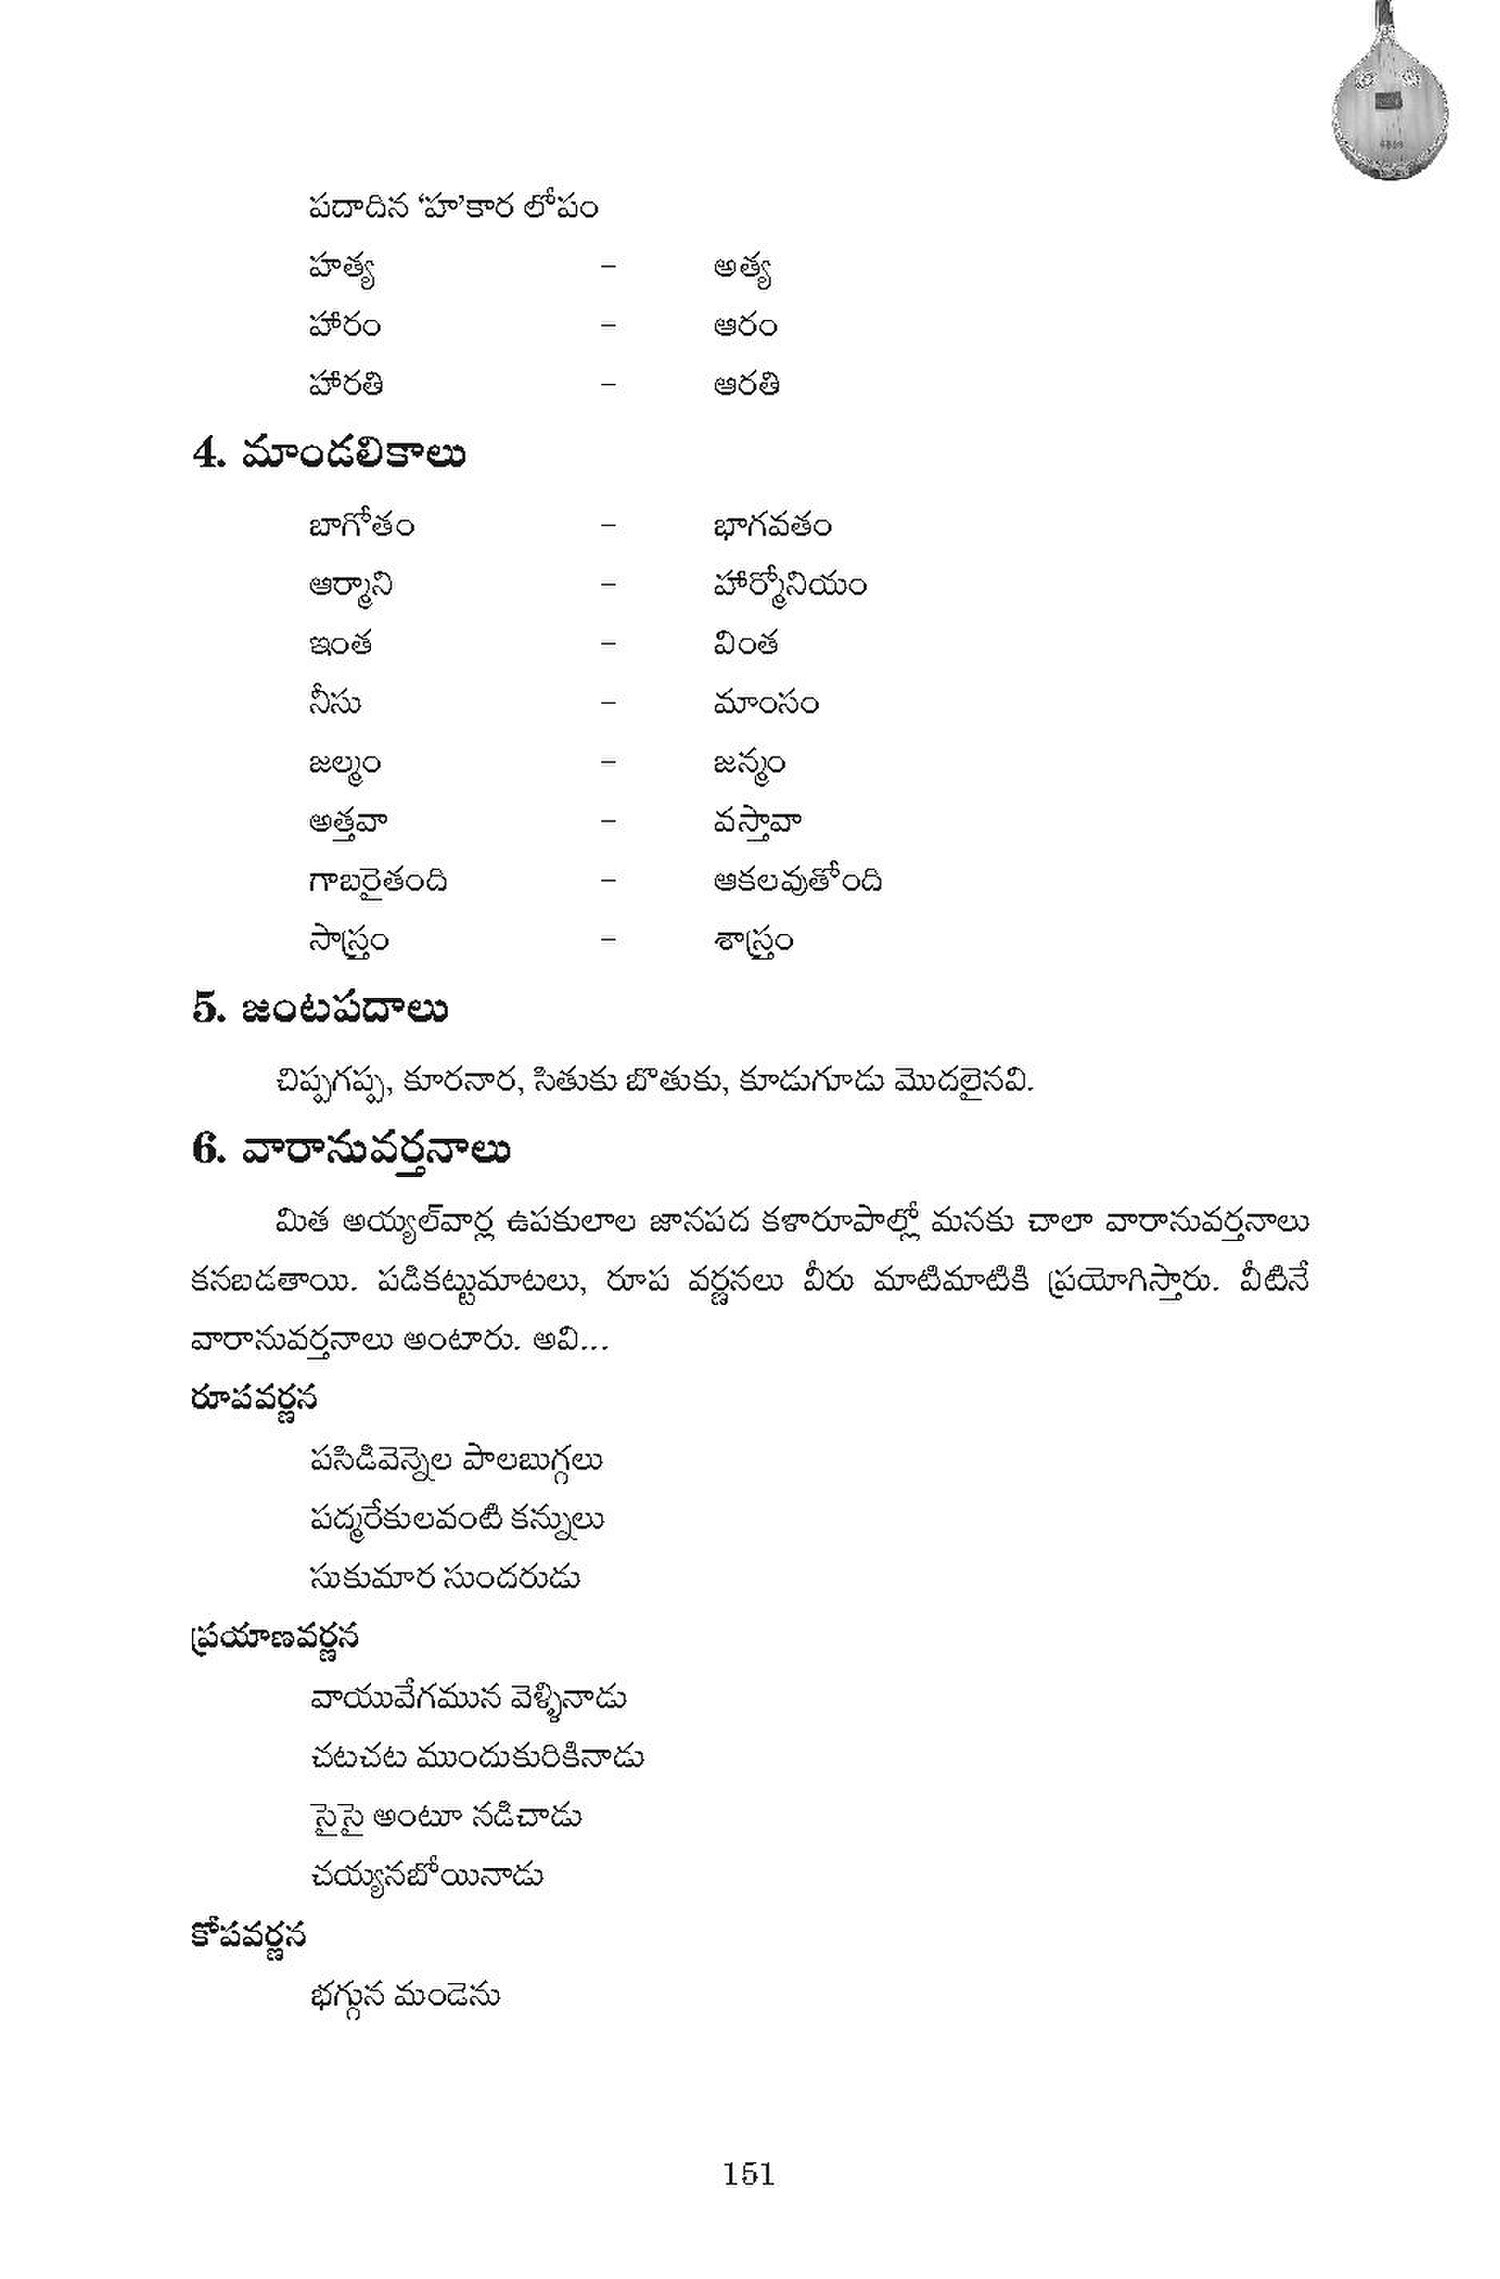పదాదిన 'హ'కార లోపం

+ హత్య అత్య హారం ఆరం హారతి ఆరతి

4. మాండలికాలు 
+ బాగోతం భాగవతం ఆర్మాని హార్మోనియం ఇంత వింత నీసు మాంసం జల్మం జన్మం అత్తవా వస్తావా గాబరైతుంది ఆకలవుతోంది సాస్త్రం శాస్త్రం
5. జంటపదాలు 

చిప్పగప్ప, కూరనార, సితుకు బొతుకు, కూడుగూడు మొదలైనవి.

6. వారానువర్తనాలు 

మిత అయ్యల్వార్ల ఉపకులాల జానపద కళారూపాల్లో మనకు చాలా వారానువర్తనాలు కనబడతాయి. పడికట్టుమాటలు, రూప వర్ణనలు వీరు మాటిమాటికి ప్రయోగిస్తారు. వీటినే వారానువర్తనాలు అంటారు. అవి...

రూపవర్ణన 

పసిడివెన్నెల పాలబుగ్గలు
పద్మరేకులవంటి కన్నులు
సుకుమార సుందరుడు

ప్రయాణవర్ణన 

వాయువేగమున వెళ్ళినాడు
చటచట ముందుకురికినాడు
సైసై అంటూ నడిచాడు
చయ్యనబోయినాడు

కోపవర్ణన 

భగ్గున మండెను